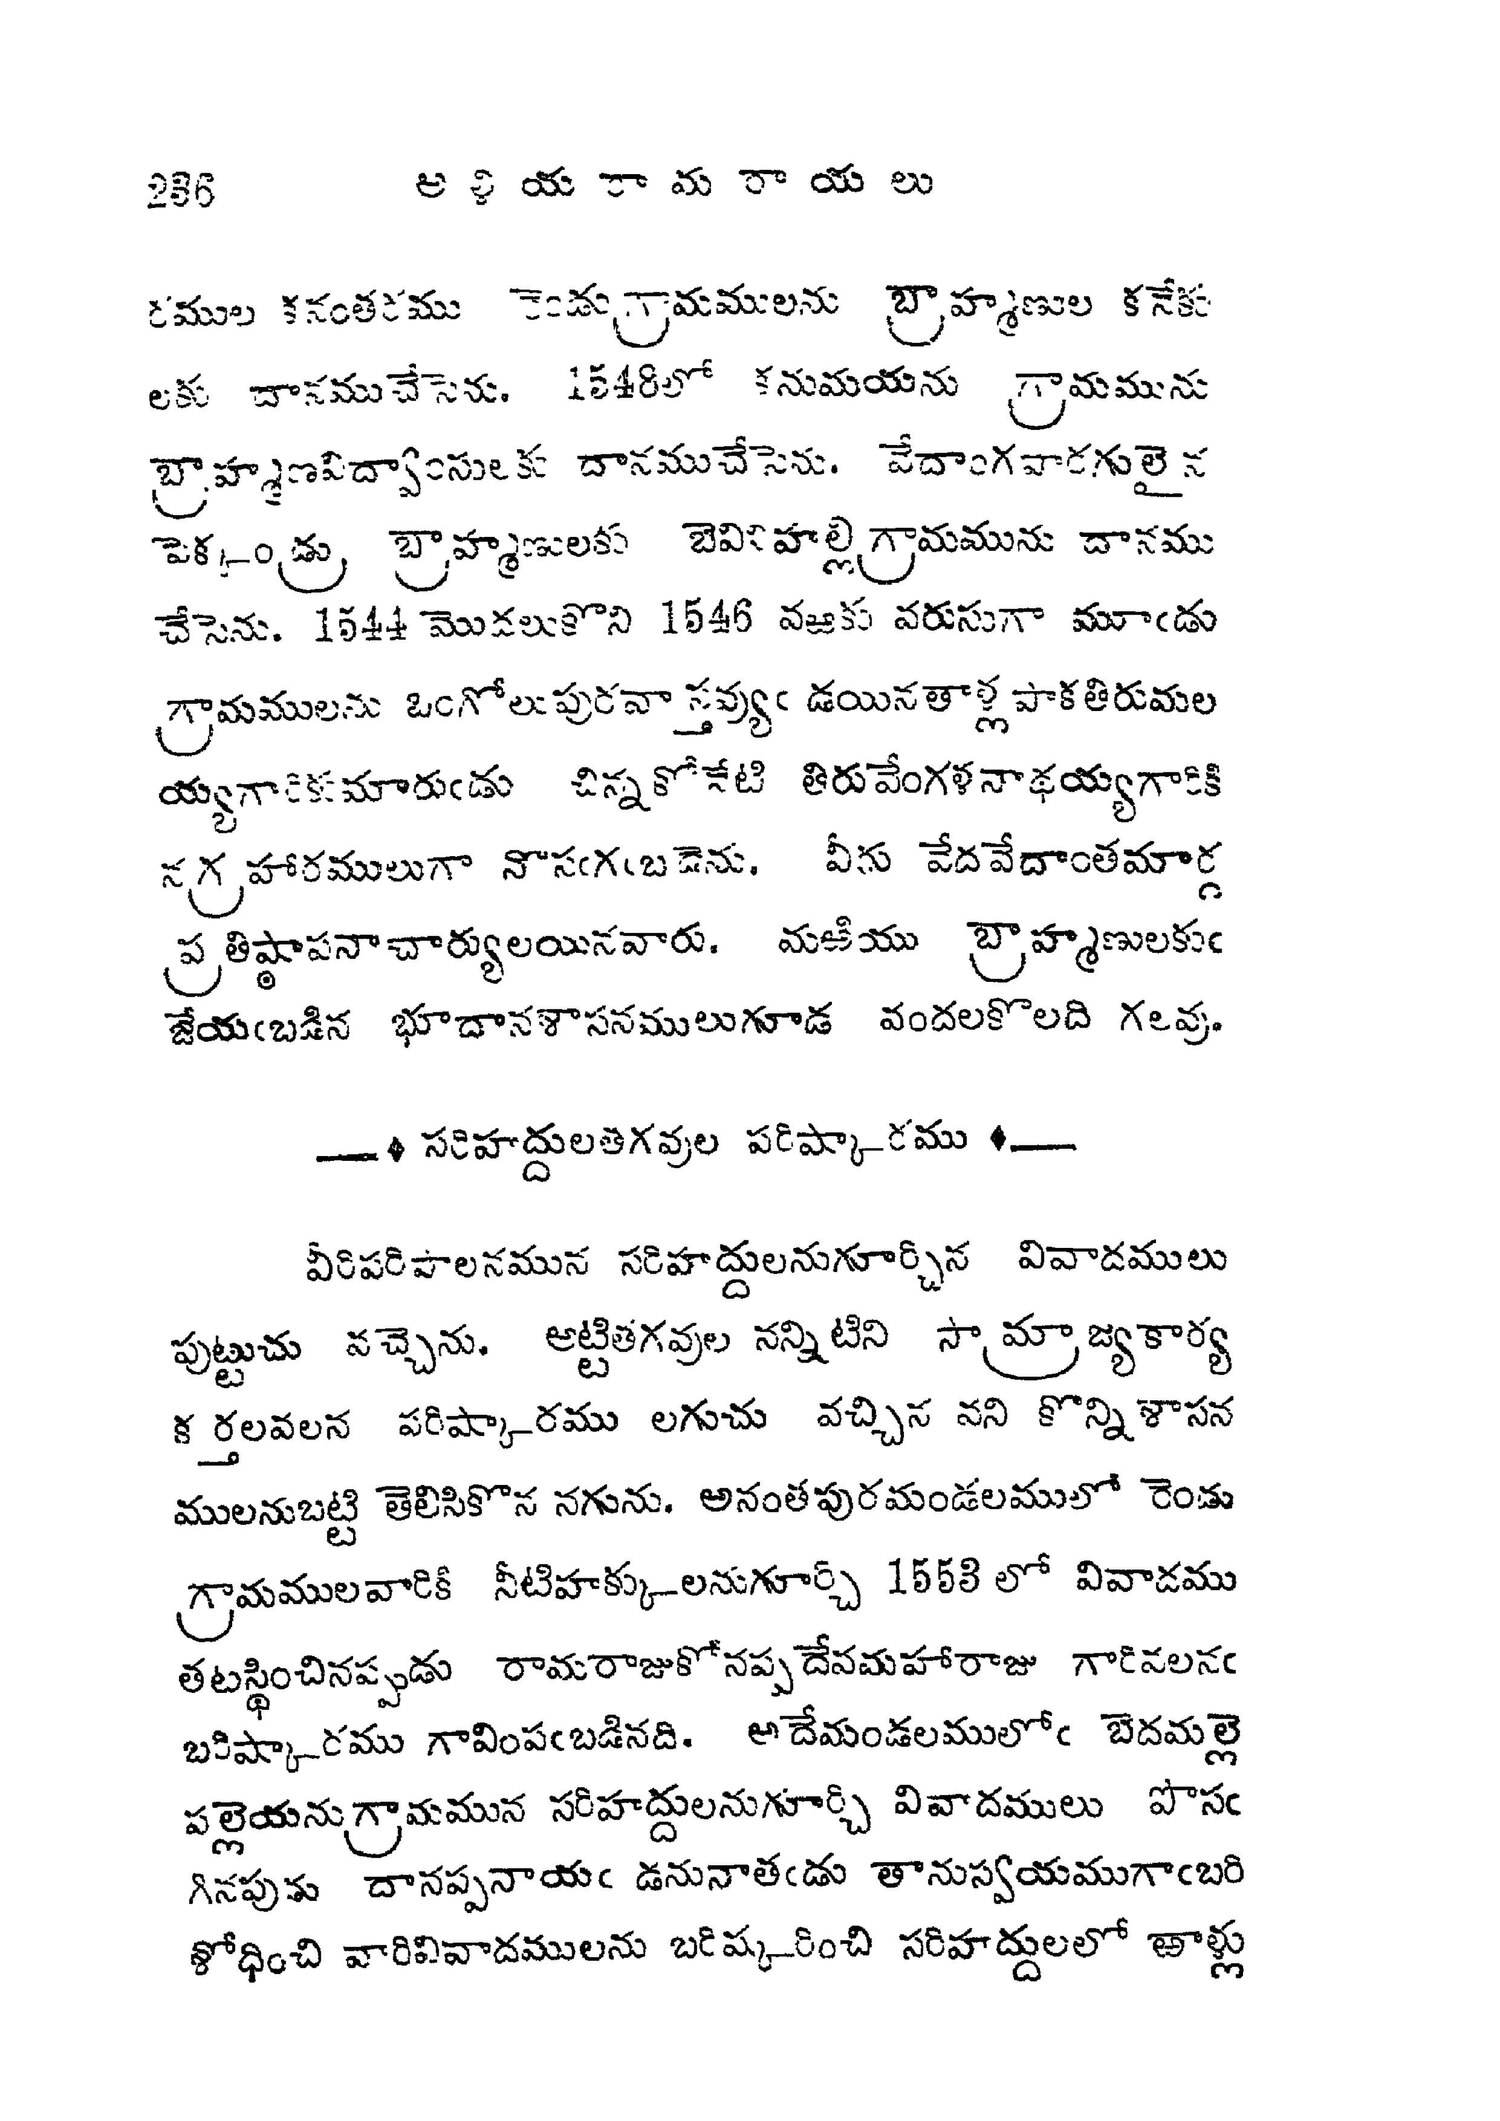రముల కనంతరము రెండుగ్రామములను బ్రాహ్మణుల కనేకులకు దానముచేసెను. 1548 లో కనుమయను గ్రామమును బ్రాహ్మణవిద్వాంసులకు దానముచేసెను. వేదాంగపారగులైన పెక్కండ్రు బ్రాహ్మణులకు బెవినిహల్లిగ్రామమును దానముచేసెను. 1544 మొదలుకొని 1546 వఱకు వరుసగా మూడు గ్రామములను ఒంగోలు పురవాస్తవ్యు డయినతాళ్లపాకతిరుమలయ్యగారికుమారుడు చిన్నకోనేటి తిరువేంగళనాథయ్యగారికి నగ్రహారములుగా నొసగబడెను. వీరు వేదవేదాంతమార్గ ప్రతిష్ఠాపనాచార్యు లయినవారు. మఱియు బ్రాహ్మణులకు జేయబడిన భూదానశాసనములుగూడ వందలకొలది గలవు.

వీరిపరిపాలనమున సరిహద్దులనుగూర్చిన వివాదములు పుట్టుచు వచ్చెను. అట్టితగవుల నన్నిటిని సామ్రాజ్యకార్యకర్తలవలన పరిష్కారము లగుచు వచ్చిన వని కొన్నిశాసనములనుబట్టి తెలిసికొన నగును. అనంతపురమండలములో రెండు గ్రామములవారికి నీటిహక్కులనుగూర్చి 1553 లో వివాదము తటస్థించినప్పుడు రామరాజుకోనప్పదేవమహారాజు గారివలన బరిష్కారము గావింపబడినది. అదేమండలములో బెదమల్లెపల్లెయను గ్రామమున సరిహద్దులనుగూర్చి వివాదములు పొసగినపుడు దానప్పనాయ డనునాతడు తానుస్వయముగా బరిశోధించి వారివివాదములను బరిష్కరించి సరిహద్దులలో ఱాళ్లు